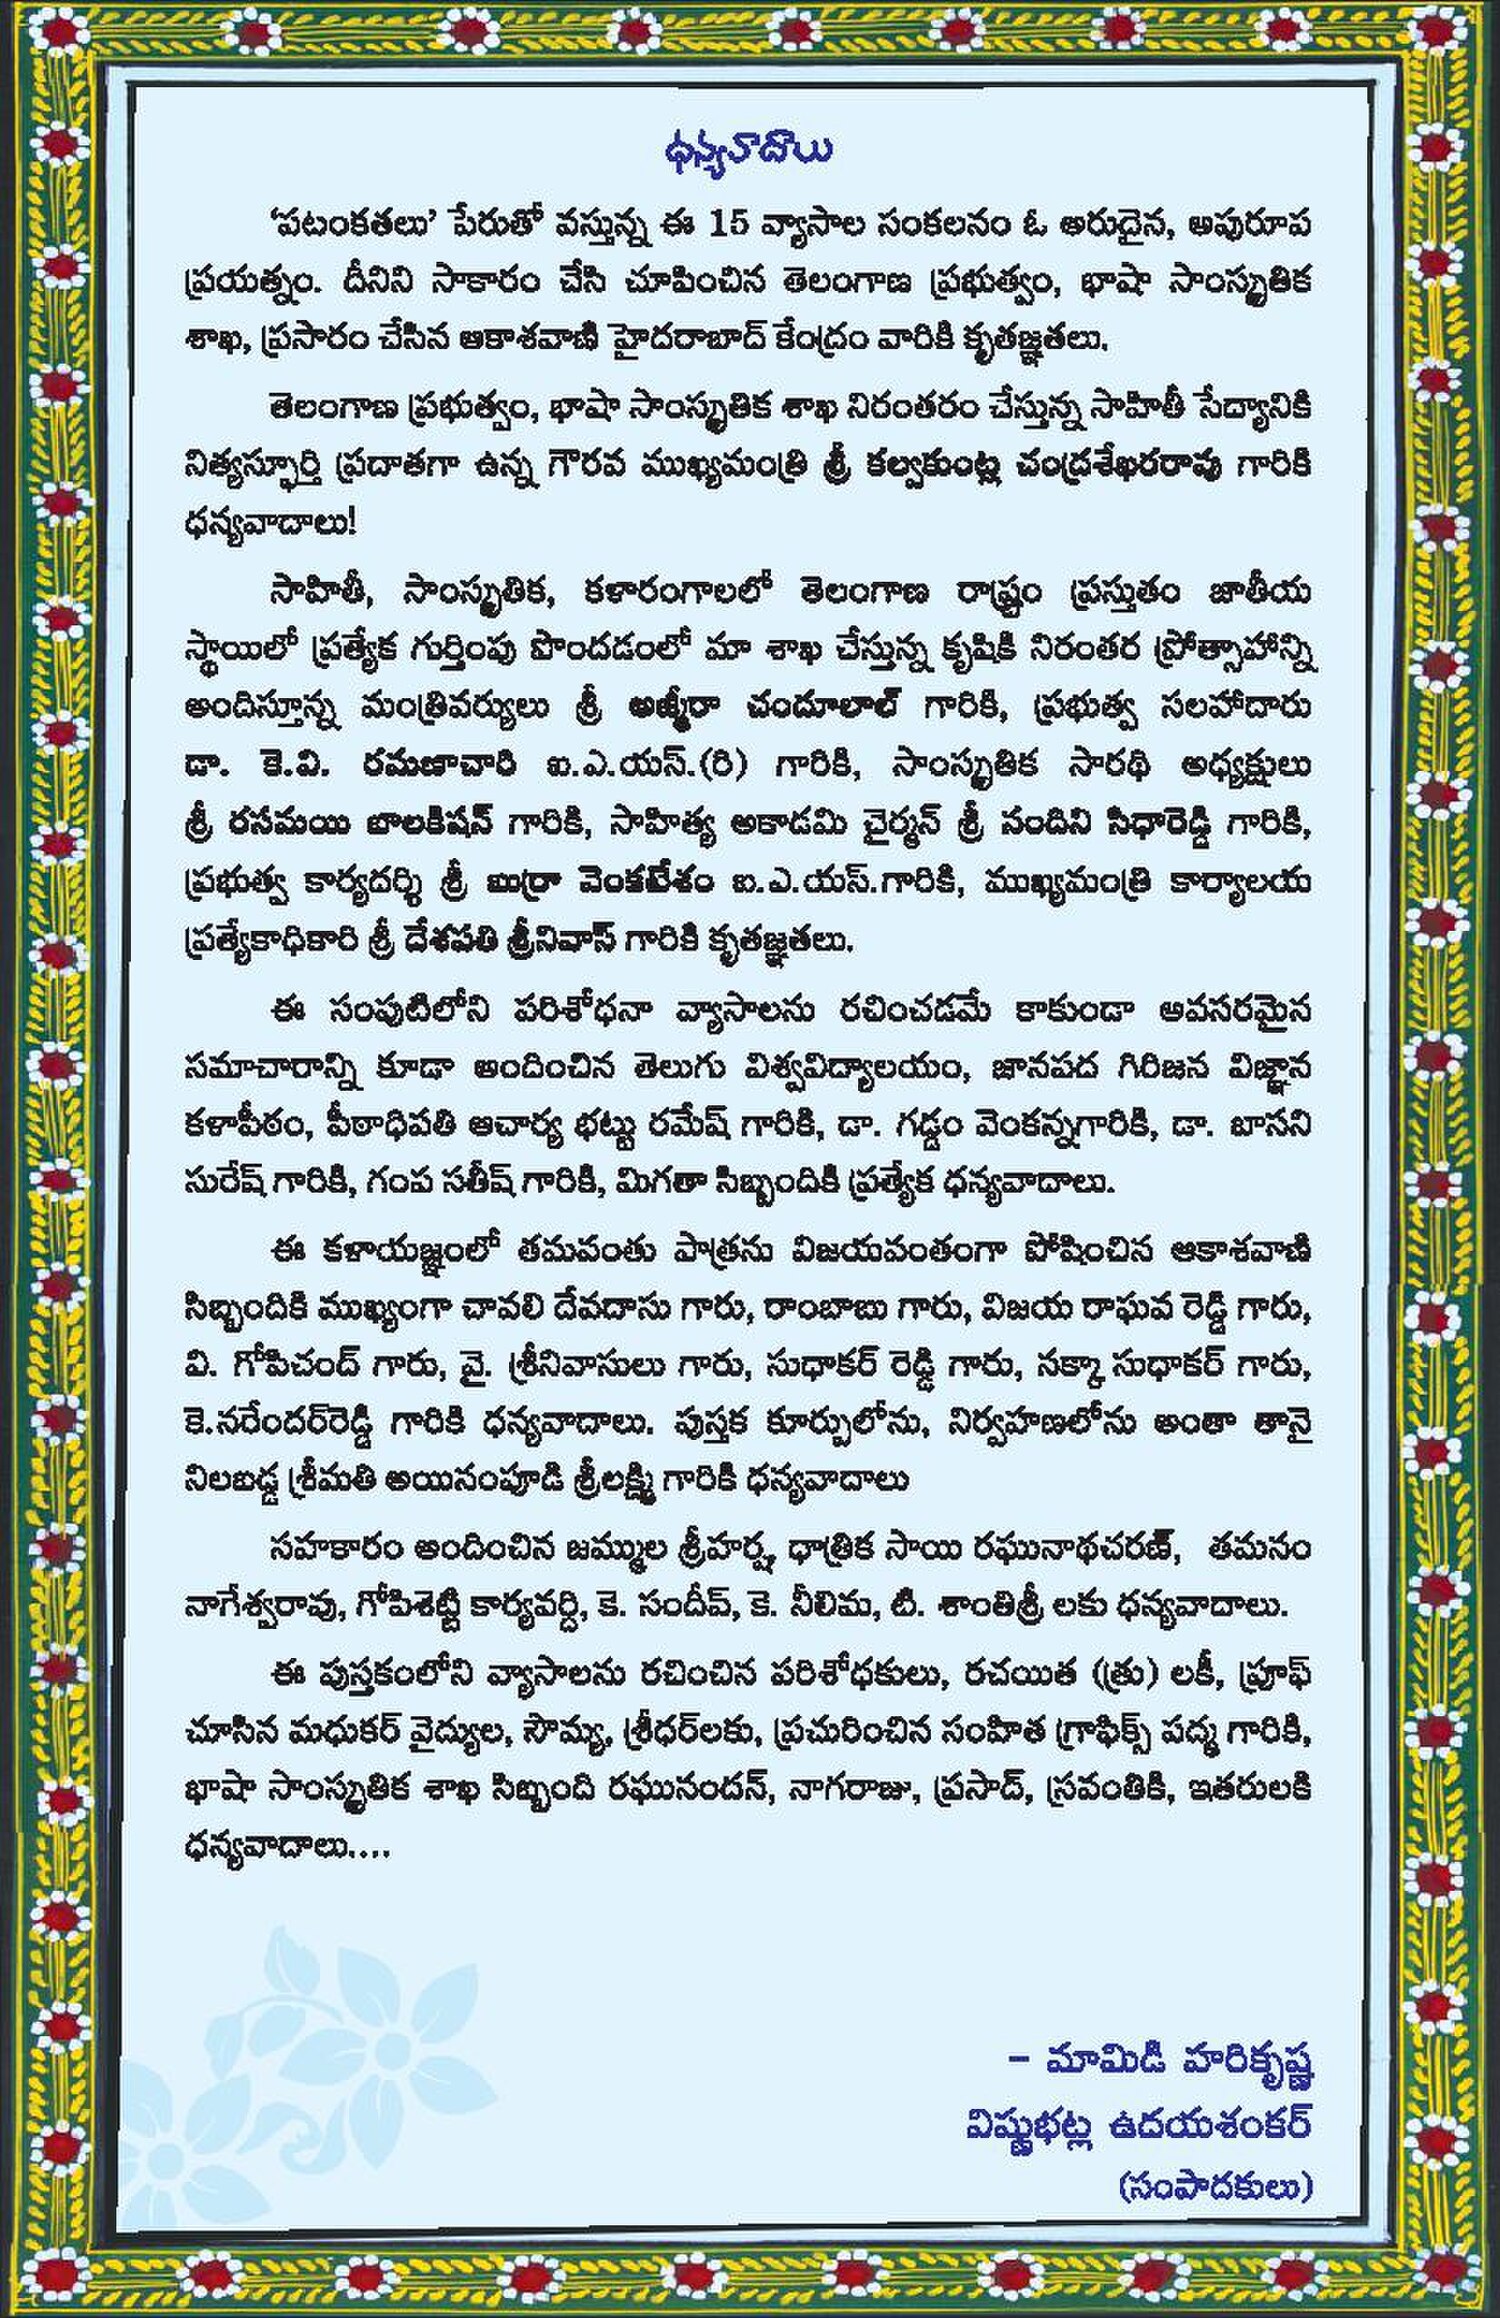'పటంకతలు' పేరుతో వస్తున్న ఈ 15 వ్యాసాల సంకలనం ఓ అరుదైన, అపురూప ప్రయత్నం. దీనిని సాకారం చేసి చూపించిన తెలంగాణ ప్రభుత్వం, భాషా సాంస్కృతిక శాఖ, ప్రసారం చేసిన ఆకాశవాణి హైదరాబాద్ కేంద్రం వారికి కృతజ్ఞతలు.

తెలంగాణ ప్రభుత్వం, భాషా సాంస్కృతిక శాఖ నిరంతరం చేస్తున్న సాహితీ సేద్యానికి నిత్యస్ఫూర్తి ప్రదాతగా ఉన్న గౌరవ ముఖ్యమంత్రి శ్రీ కల్వకుంట్ల చంద్రశేఖరరావు గారికి ధన్యవాదాలు!

సాహితీ, సాంస్కృతిక, కళారంగాలలో తెలంగాణ రాష్ట్రం ప్రస్తుతం జాతీయ స్థాయిలో ప్రత్యేక గుర్తింపు పొందడంలో మా శాఖ చేస్తున్న కృషికి నిరంతర ప్రోత్సాహాన్ని అందిస్తూన్న మంత్రివర్యులు శ్రీ అజ్మీరా చందూలాల్ గారికి, ప్రభుత్వ సలహాదారు డా. కె.వి. రమణాచారి ఐ.ఎ.యస్.(రి) గారికి, సాంస్కృతిక సారథి అధ్యక్షులు శ్రీ రసమయి బాలకిషన్ గారికి, సాహిత్య అకాడమి చైర్మన్ శ్రీ నందిని సిధారెడ్డి గారికి, ప్రభుత్వ కార్యదర్శి శ్రీ బుర్రా వెంకటేశం ఐ.ఎ.యస్. గారికి, ముఖ్యమంత్రి కార్యాలయ ప్రత్యేకాధికారి శ్రీ దేశపతి శ్రీనివాస్ గారికి కృతజ్ఞతలు.

ఈ సంపుటిలోని పరిశోధనా వ్యాసాలను రచించడమే కాకుండా అవసరమైన సమాచారాన్ని కూడా అందించిన తెలుగు విశ్వవిద్యాలయం, జానపద గిరిజన విజ్ఞాన కళాపీఠం, పీఠాధిపతి ఆచార్య భట్టు రమేష్ గారికి, డా. గడ్డం వెంకన్నగారికి, డా. బాసని సురేష్ గారికి, గంప సతీష్ గారికి, మిగతా సిబ్బందికి ప్రత్యేక ధన్యవాదాలు.

ఈ కళాయజ్ఞంలో తమవంతు పాత్రను విజయవంతంగా పోషించిన ఆకాశవాణి సిబ్బందికి ముఖ్యంగా చావలి దేవదాసు గారు, రాంబాబు గారు, విజయ రాఘవ రెడ్డి గారు, వి. గోపిచంద్ గారు, వై. శ్రీనివాసులు గారు, సుధాకర్ రెడ్డి గారు, నక్కా సుధాకర్ గారు, కె.నరేందర్రెడ్డి గారికి ధన్యవాదాలు. పుస్తక కూర్పులోను, నిర్వహణలోను అంతా తానై
నిలబడ్డ శ్రీమతి అయినంపూడి శ్రీలక్ష్మి గారికి ధన్యవాదాలు

సహకారం అందించిన జమ్ముల శ్రీహర్ష, ధాత్రిక సాయి రఘునాథచరణ్, తమనం నాగేశ్వరావు, గోపిశెట్టి కార్యవర్ధి, కె. సందీప్, కె. నీలిమ, టి. శాంతిశ్రీ లకు ధన్యవాదాలు. ఈ పుస్తకంలోని వ్యాసాలను రచించిన పరిశోధకులు, రచయిత (త్రు) లకీ, ప్రూఫ్ చూసిన మధుకర్ వైద్యుల, సౌమ్య, శ్రీధర్ కు, ప్రచురించిన సంహిత గ్రాఫిక్స్ పద్మ గారికి, భాషా సాంస్కృతిక శాఖ సిబ్బంది రఘునందన్, నాగరాజు, ప్రసాద్, స్రవంతికి, ఇతరులకి ధన్యవాదాలు....